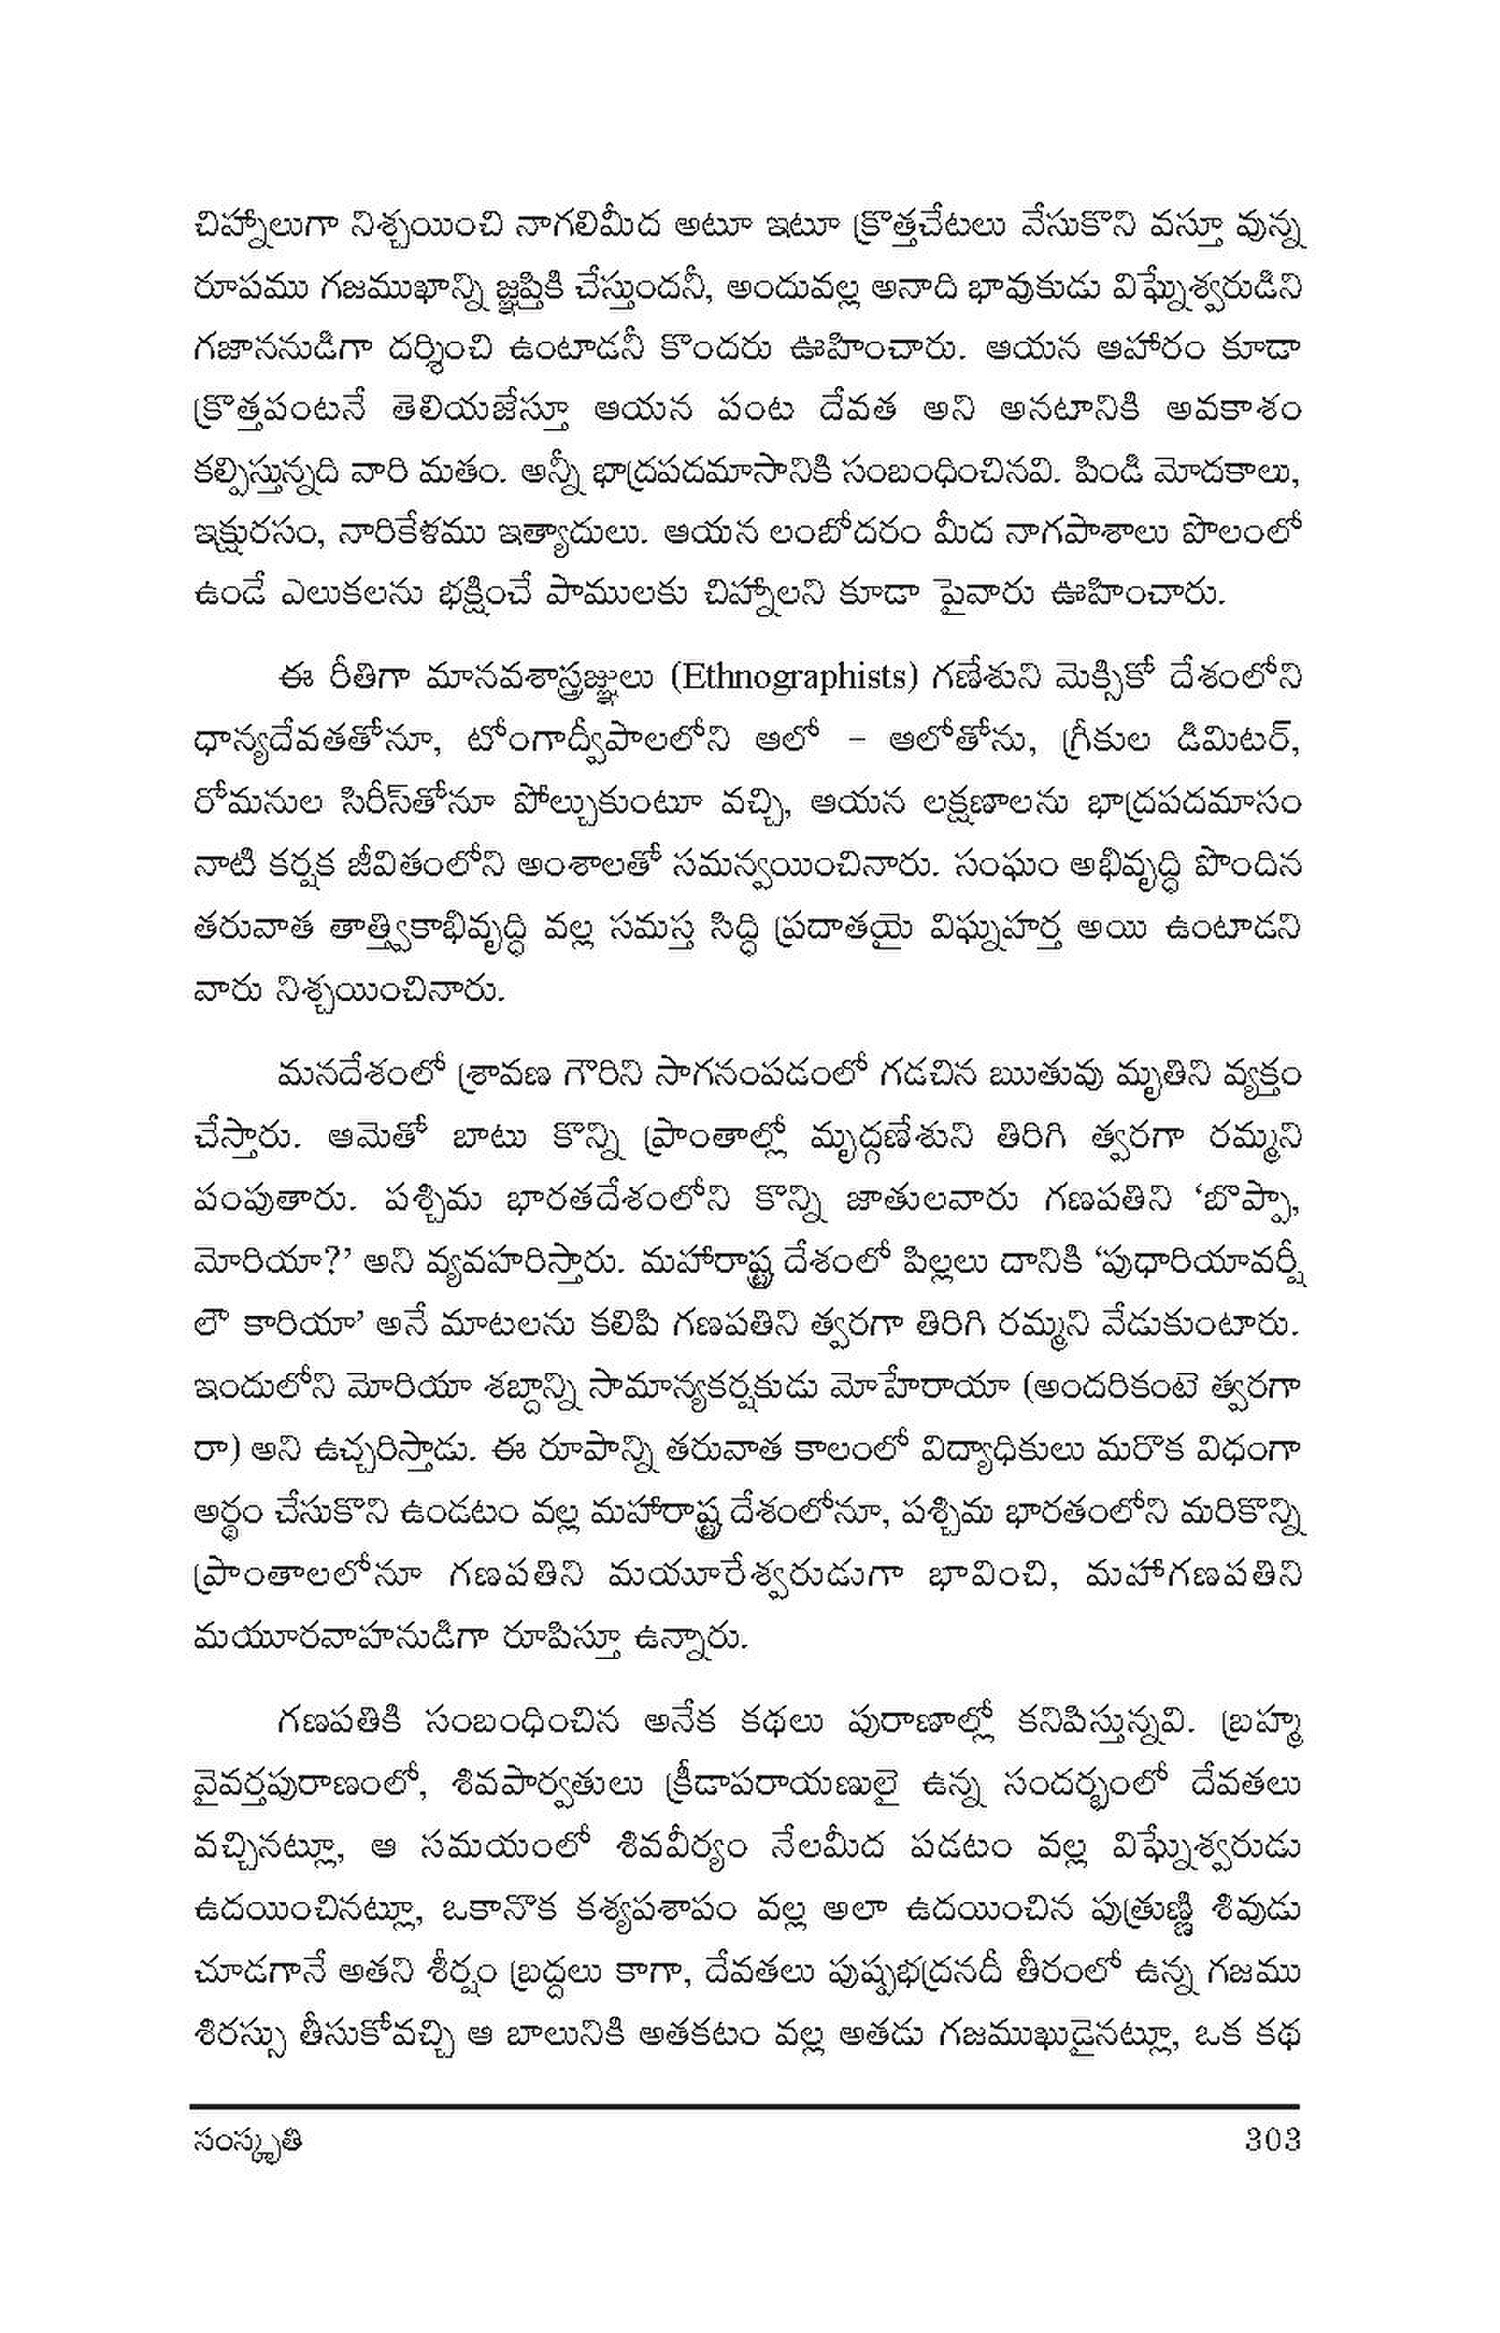చిహ్నాలుగా నిశ్చయించి నాగలిమీద అటూ ఇటూ క్రొత్తచేటలు వేసుకొని వస్తూ వున్న
రూపము గజముఖాన్ని జ్ఞప్తికి చేస్తుందనీ, అందువల్ల అనాది భావుకుడు విఘ్నేశ్వరుడిని
గజాననుడిగా దర్శించి ఉంటాడనీ కొందరు ఊహించారు. ఆయన ఆహారం కూడా
క్రొత్తపంటనే తెలియజేస్తూ ఆయన పంట దేవత అని అనటానికి అవకాశం
కల్పిస్తున్నది వారి మతం. అన్నీ భాద్రపదమాసానికి సంబంధించినవి. పిండి మోదకాలు,
ఇక్షురసం, నారికేళము ఇత్యాదులు. ఆయన లంబోదరం మీద నాగపాశాలు పొలంలో
ఉండే ఎలుకలను భక్షించే పాములకు చిహ్నాలని కూడా పైవారు ఊహించారు.

ఈ రీతిగా మానవశాస్త్రజ్ఞులు (Ethnographists) గణేశుని మెక్సికో దేశంలోని
ధాన్యదేవతతోనూ, టోంగాద్వీపాలలోని ఆలో ఆలోతోను, గ్రీకుల డిమిటర్,
రోమనుల సిరీస్తోనూ పోల్చుకుంటూ వచ్చి, ఆయన లక్షణాలను భాద్రపదమాసం
నాటి కర్షక జీవితంలోని అంశాలతో సమన్వయించినారు. సంఘం అభివృద్ధి పొందిన
తరువాత తాత్త్వికాభివృద్ధి వల్ల సమస్త సిద్ధి ప్రదాతయై విఘ్నహర్త అయి ఉంటాడని
వారు నిశ్చయించినారు.

మనదేశంలో శ్రావణ గౌరిని సాగనంపడంలో గడచిన ఋతువు మృతిని వ్యక్తం
చేస్తారు. ఆమెతో బాటు కొన్ని ప్రాంతాల్లో మృద్గణేశుని తిరిగి త్వరగా రమ్మని
పంపుతారు. పశ్చిమ భారతదేశంలోని కొన్ని జాతులవారు గణపతిని ‘బొప్పా,
మోరియా?' అని వ్యవహరిస్తారు. మహారాష్ట్ర దేశంలో పిల్లలు దానికి 'పుధారియా వర్షీ
లౌ కారియా' అనే మాటలను కలిపి గణపతిని త్వరగా తిరిగి రమ్మని వేడుకుంటారు.
ఇందులోని మోరియా శబ్దాన్ని సామాన్యకర్షకుడు మోహేరాయా (అందరికంటే త్వరగా
రా) అని ఉచ్చరిస్తాడు. ఈ రూపాన్ని తరువాత కాలంలో విద్యాధికులు మరొక విధంగా
అర్థం చేసుకొని ఉండటం వల్ల మహారాష్ట్ర దేశంలోనూ, పశ్చిమ భారతంలోని మరికొన్ని
ప్రాంతాలలోనూ గణపతిని మయూరేశ్వరుడుగా భావించి, మహాగణపతిని
మయూరవాహనుడిగా రూపిస్తూ ఉన్నారు.

గణపతికి సంబంధించిన అనేక కథలు పురాణాల్లో కనిపిస్తున్నవి. బ్రహ్మ
వైవర్తపురాణంలో, శివపార్వతులు క్రీడాపరాయణులై ఉన్న సందర్భంలో దేవతలు
వచ్చినట్లూ, ఆ సమయంలో శివవీర్యం నేలమీద పడటం వల్ల విఘ్నేశ్వరుడు
ఉదయించినట్లు, ఒకానొక కశ్యపశాపం వల్ల అలా ఉదయించిన పుత్రుణ్ణి శివుడు
చూడగానే అతని శీర్షం బ్రద్దలు కాగా, దేవతలు పుష్పభద్రనదీ తీరంలో ఉన్న గజము
శిరస్సు తీసుకోవచ్చి ఆ బాలునికి అతకటం వల్ల అతడు గజముఖుడైనట్లూ, ఒక కథ